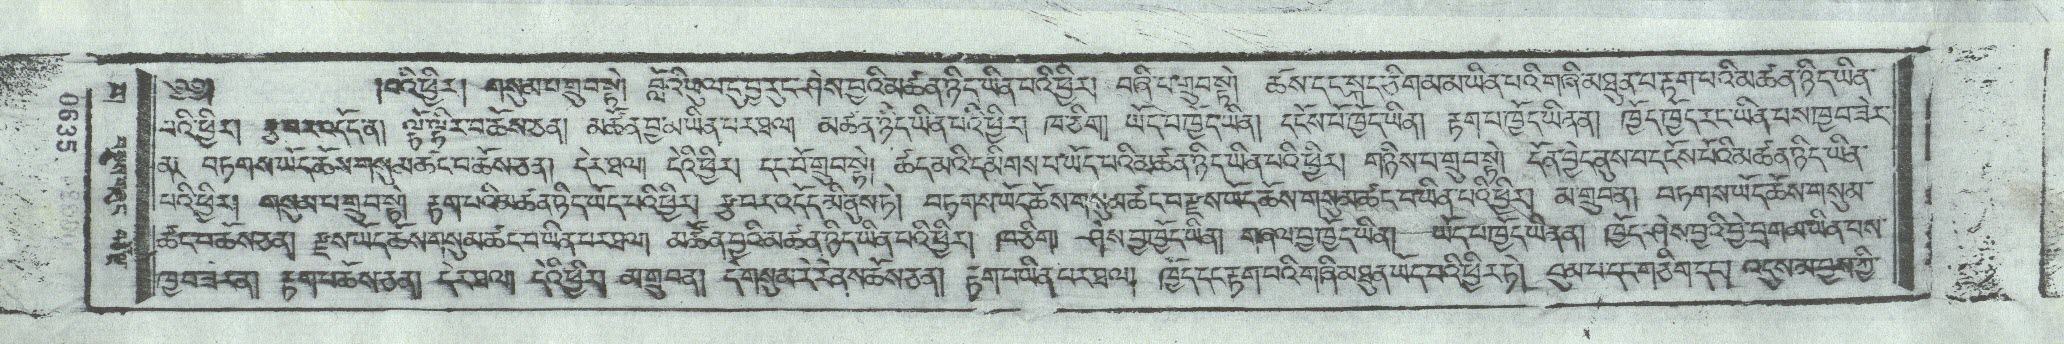༄༅། །པའི་ཕྱིར། གསུམ་པ་གྲུབ་སྟེ། བློའི་ཡུལ་དུ་བྱ་རུང་ཤེས་བྱའི་མཚན་ཉིད་ཡིན་པའི་ཕྱིར། བཞི་པ་གྲུབ་སྟེ། ཆོས་དང་སྐད་ཅིག་མ་མ་ཡིན་པའི་གཞི་མཐུན་པ་རྟག་པའི་མཚན་ཉིད་ཡིན་
པའི་ཕྱིར། རྩ་བར་འདོད་ན། ལྟོ་ལྟིར་བ་ཆོས་ཅན། མཚོན་བྱ་མ་ཡིན་པར་ཐལ། མཚན་ཉིད་ཡིན་པའི་ཕྱིར། ཁ་ཅིག། ཡོད་པ་ཁྱོད་ཡིན། དངོས་པོ་ཁྱོད་ཡིན། རྟག་པ་ཁྱོད་ཡིན་ན། ཁྱོད་ཁྱོད་རང་ཡིན་པས་ཁྱབ་ཟེར་
ན༑ བཏགས་ཡོད་ཆོས་གསུམ་ཚང་བ་ཆོས་ཅན། དེར་ཐལ། དེའི་ཕྱིར། དང་པོ་གྲུབ་སྟེ། ཚད་མའི་དམིགས་པ་ཡོད་པའི་མཚན་ཉིད་ཡིན་པའི་ཕྱིར། གཉིས་པ་གྲུབ་སྟེ། དོན་བྱེད་ནུས་པ་དངོས་པོའི་མཚན་ཉིད་ཡིན་
པའི་ཕྱིར། གསུམ་པ་གྲུབ་སྟེ། རྟག་པའི་མཚན་ཉིད་ཡོད་པའི་ཕྱིར། རྩ་བར་འདོད་མི་ནུས་ཏེ། བཏགས་ཡོད་ཆོས་གསུམ་ཚང་བ་རྫས་ཡོད་ཆོས་གསུམ་ཚང་བ་ཡིན་པའི་ཕྱིར། མ་གྲུབ་ན། བཏགས་ཡོད་ཆོས་གསུམ་
ཚང་བ་ཆོས་ཅན། རྫས་ཡོད་ཆོས་གསུམ་ཚང་བ་ཡིན་པར་ཐལ། མཚོན་བྱའི་མཚན་ཉིད་ཡིན་པའི་ཕྱིར། ཁ་ཅིག། ཤེས་བྱ་ཁྱོད་ཡིན། གཞལ་བྱ་ཁྱོད་ཡིན། ཡོད་པ་ཁྱོད་ཡིན་ན། ཁྱོད་ཤེས་བྱའི་བྱེ་བྲག་མ་ཡིན་པས་
ཁྱབ་ཟེར་ན། རྟག་པ་ཆོས་ཅན། དེར་ཐལ། དེའི་ཕྱིར། མ་གྲུབ་ན། དེ་གསུམ་རེ་རེ་ནས་ཆོས་ཅན། རྟག་པ་ཡིན་པར་ཐལ། ཁྱོད་དང་རྟག་པའི་གཞི་མཐུན་ཡོད་པའི་ཕྱིར་ཏེ། བུམ་པ་དང་གཅིག་དང་། འདུས་མ་བྱས་ཀྱི་